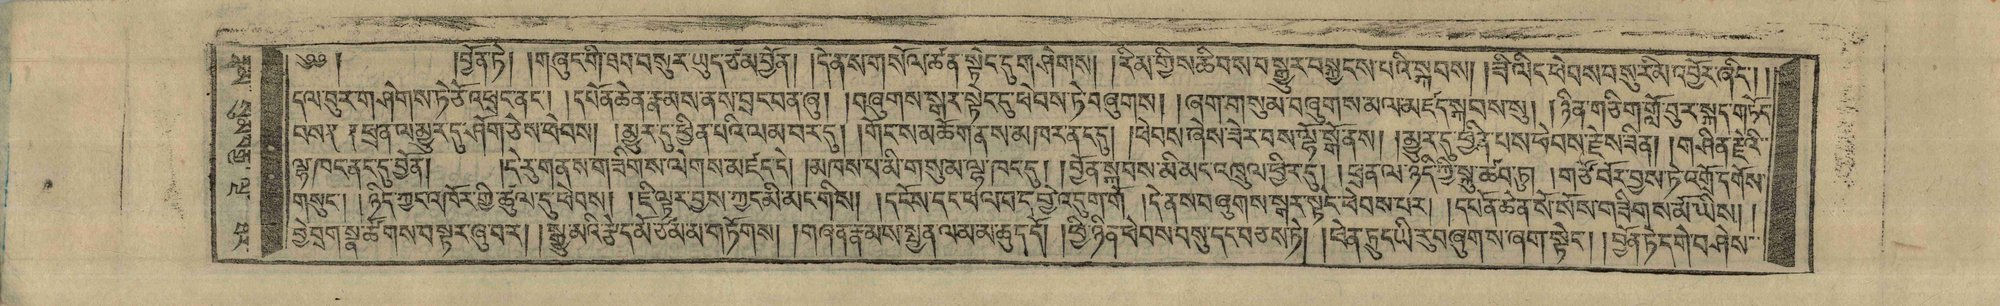༄༅། །བྱོན་ཏེ། །གཞུང་གི་ཐབ་བསུར་ཡུད་ཙམ་བྱོན། །དེ་ནས་གསོལ་ཚན་སྟེང་དུ་གཤེགས། །རིམ་གྱིས་ཆིབས་བསྒྱུར་བསྐྱངས་པའི་སྐབས། །ཟི་ལིང་ཕེབས་བསུ་རིམ་འབྱོར་ཞིང་། །
དལ་བུར་གཤེགས་ཏེ་ཅོ་འཕྲང་ནང་། །དཔོན་ཆེན་རྣམས་ནས་བྲང་བན་ཞུ། །བཞུགས་སྒར་སྟེང་དུ་ཕེབས་ཏེ་བཞུགས། །ཞག་གསུམ་བཞུགས་མལ་མཛད་སྐབས་སུ། །ཉིན་གཅིག་གློ་བུར་སྐད་གཏོང་
བས༑ ༑ཕྲན་ལ་མྱུར་དུ་ཤོག་ཅེས་ཕེབས། །མྱུར་དུ་ཕྱིན་པའི་ལམ་བར་དུ། །གོང་ས་མཆོག་ནས་མཁར་ནང་དུ། །ཕེབས་ཞེས་ཟེར་བས་ལྷོ་སྒོ་ནས། །མྱུར་དུ་ཕྱིན་པས་ཕེབས་རྗེས་ཟིན། །གཤིན་རྗེའི་
ལྷ་ཁང་ནང་དུ་བྱོན། །དེ་རུ་གནས་གཟིགས་ལེགས་མཛད་དེ། །མཁས་པ་མི་གསུམ་ལྷ་ཁང་དུ། །བྱོན་སྐབས་མི་མང་འཁྲུལ་ཕྱིར་དུ། །ཕྲན་ལ་ཉིད་ཀྱི་སྐུ་ཚབ་ཏུ། །གཙོ་བོར་བྱས་ཏེ་འགྲོ་དགོས་
གསུང་། །ཉིད་ཀྱང་འཁོར་གྱི་ཚུལ་དུ་ཕེབས། །ཇི་ལྟར་བྱས་ཀྱང་མི་མང་གིས། །དངོས་དང་ཕལ་བ་དབྱེ་འདུག་གོ །དེ་ནས་བཞུགས་སྒར་སྟེང་ཕེབས་པར། །དཔོན་ཆེན་སོ་སོས་གཟིགས་མོ་ཡིས། །
བྱེ་བྲག་སྣ་ཚོགས་བསྟར་ཞུ་བར། །སྒྱུ་མའི་རྩེད་མོ་ཙམ་མ་གཏོགས། །གཞན་རྣམས་སྤྱན་ལམ་མ་ཆུད་དོ། །ཕྱི་ཉིན་ཕེབས་བསུ་དང་བཅས་ཏེ། །ཕེན་ཏྲུང་ཡི་རུ་བཞུགས་ཞག་སྟེང་། །བྱོན་ཏེ་དགེ་བཤེས་